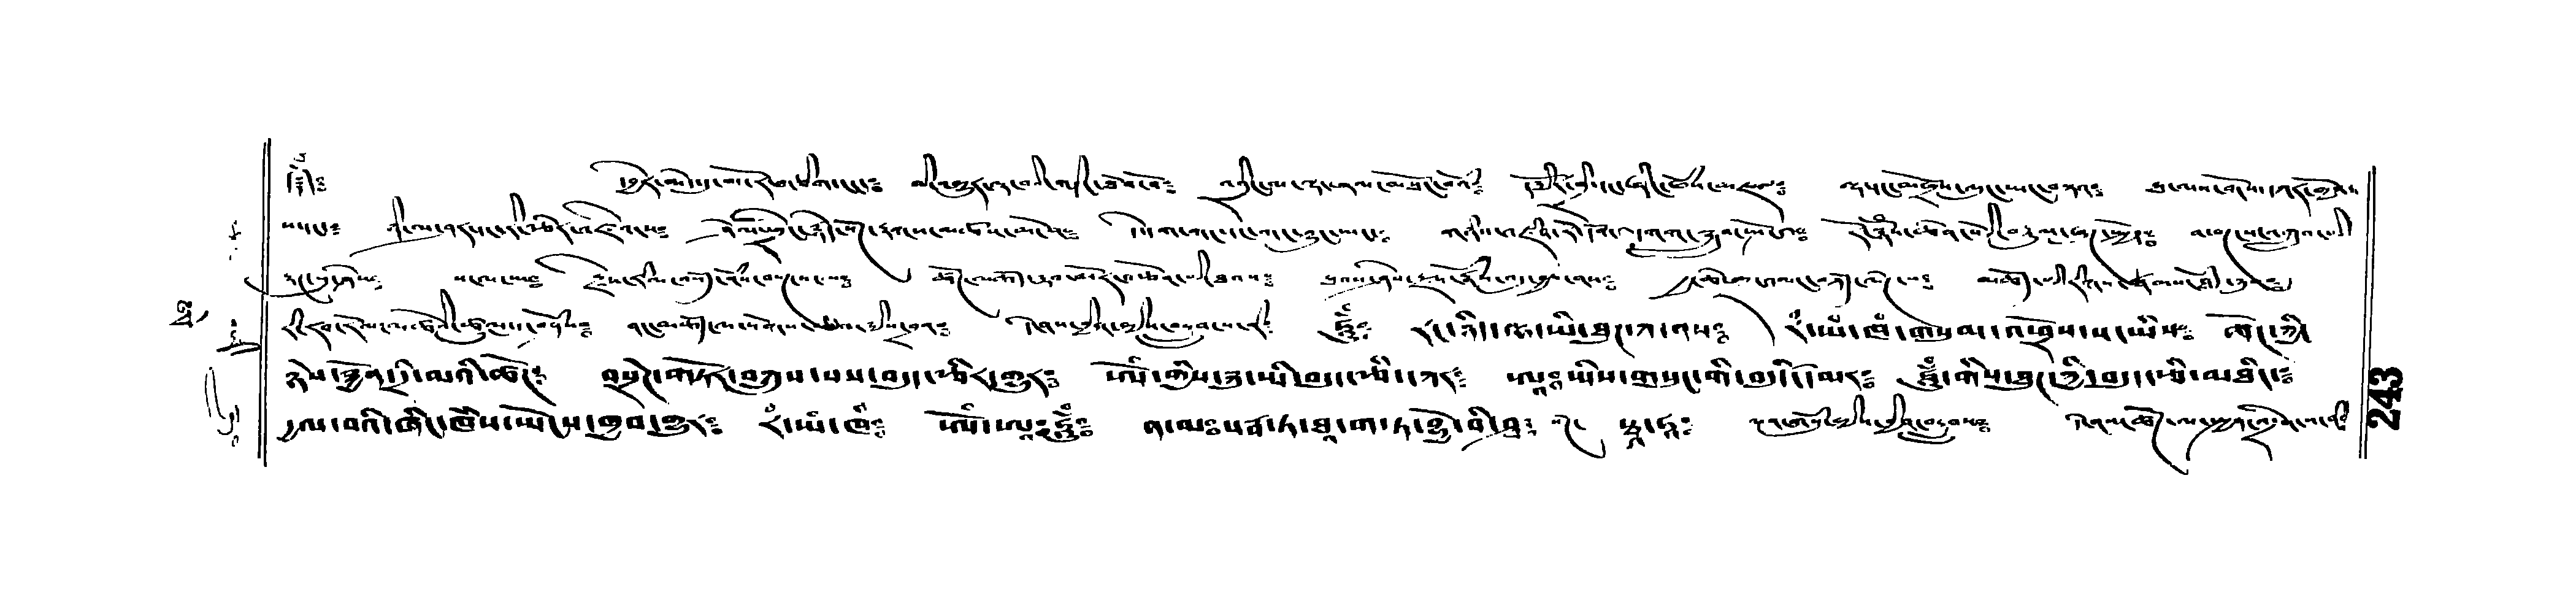དབྱེར་མེད་དུ་མ་རོ་གཅིག་ངང༔ མི་འགྱུར་ལྟ་བའི་གདིང་ཐོབ་བོ༔ འབྲིང་ལ་ལྷ་ཞལ་མཐོང་བའམ༔ དཀྱིལ་འཁོར་བྲི་དང་ཞིང་ཁམས་མཇལ༔ ལྷ་དང་མཁའ་འགྲོ་ལུང་ཡང་སྟོན༔ ཐ་མས་གོས་དཀར་གྱོན་
པ་དང༔ ཉི་མ་ཤར་དང་རི་རྩེར་འཛེག༔ ཤེལ་ཕྲེང་རྙེད་སོགས་རྟགས་མཚན་མངོན༔ དེ་དག་གང་དང་གང་བྱུང་ཡང༔ གཉིས་འཛིན་རེ་དགོས་དགག་སྒྲུབ་སྤོངས༔ རོ་སྙོམས་ཆེན་པོའི་བརྟུལ་ཞུགས་སྤྱོད༔ འཕགས་པ་འགྲུབ་པའི་
རྟགས་སུ་ཤེས༔ ས་མ་ཡ༔ རྗེས་རིམ་བསོད་ནམས་བསགས་པ་ལ༔ ཚོགས་མཆོད་ཟབ་མོར་བརྩོན་པའི་ཐབསཿ ཐབས་ཤེས་རྫས་རྣམས་འདུ་བྱས་ནས༔ རྒྱ་ཆེ་གྲངས་མང་བཀོད་ལེགས་པ༔ མཆོད་པའི་རིགས་རྣམས་ཐམས་ཅད་ཀུན༔ 
རི་རབ་རོལ་མཚོའི་ཚུལ་དུ་བཤམས༔ ནང་མཆོད་ལ་སོགས་བཅས་ཀྱིས་བྲན༔ དེ་ནས་བྱིན་གྱིས་བརླབ་པ་ནི༔ ཧཱུྃ༔ རང་ཉིད་ལྷ་ཡི་ཐུགས་ཀ་ནས༔ རཾ་ཡཾ་ཁཾ་གསུམ་འཕྲོས་པ་ཡིས༔ ཚོགས་ཀྱི་
ཉེས་སྐྱོན་དྲི་མའི་ཚོགས༔ བསྲེགས་གཏོར་བཀྲུས་པས་བདུད་རྩིར་གྱུར༔ ཨོཾ་གྱིས་སྐུ་ཡི་བདུད་རྩི་དཀར༔ ཨཱཿཡིས་གསུང་གི་བདུད་རྩི་དམར༔ ཧཱུྃ་གིས་ཐུགས་ཀྱི་བདུད་རྩི་མཐིང༔ 
རྒྱལ་བའི་ཞིང་ཁམས་ཡོངས་ཁྱབ་གྱུར༔ རཾ་ཡཾ་ཁཾ༔ ཨོཾ་ཨཱཿཧཱུྃ༔ ན་མཿསརྦ་ཏ་ཐཱ་ག་ཏ་བྷྱོ་བི་ཤྭ༴ སོགས༔ སྭཱ་ཧཱ༔ ལན་གསུམ་གྱིས་བྱིན་བརླབས༔ དེ་ནས་ཚོགས་ལ་སྤྱན་འདྲེན་པ་ནི༔